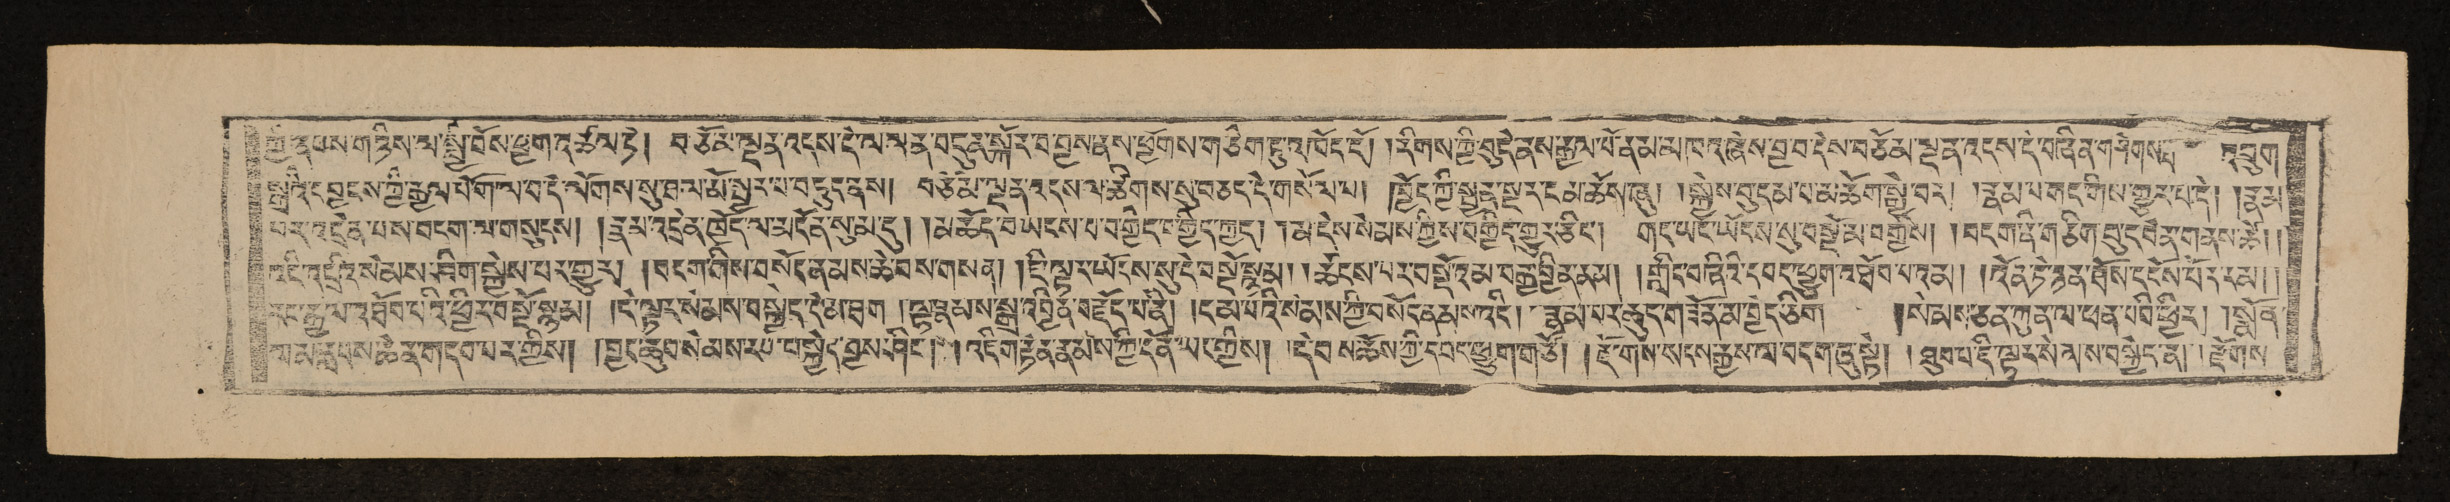ཀྱི་ཞབས་གཉིས་ལ་སྤྱི་བོས་ཕྱག་འཚལ་ཏེ། བཅོམ་ལྡན་འདས་དེ་ལ་ལན་བདུན་སྐོར་བ་བྱས་ནས་ཕྱོགས་གཅིག་ཏུ་འཁོད་དོ། །རིགས་ཀྱི་བུ་དེ་ནས་རྒྱལ་པོ་ནམ་མཁའ་ཞེས་བྱ་བ་དེས་བཅོམ་ལྡན་འདས་དེ་བཞིན་གཤེགས་པ་འབྲུག་
སྒྲའི་དབྱངས་ཀྱི་རྒྱལ་པོ་གལ་བ་དེ་ལོགས་སུ་ཐལ་མོ་སྦྱར་བ་བཏུད་ནས། བཅོམ་ལྡན་འདས་ལ་ཚིགས་སུ་བཅད་དེ་གསོལ་པ། ཁྱོད་ཀྱི་སྤྱན་སྔར་དམ་ཆོས་ཞུ། །སྐྱེས་བུ་དམ་པ་མཆོག་སྐྱེ་བར། །རྣམ་པ་གང་གིས་གྱུར་པ་དེ། །རྣམ་
པར་འདྲེན་པས་བདག་ལ་གསུངས། །རྣམ་འདྲེན་ཁྱོད་ལ་མངོན་སུམ་དུ། །མཆོད་པ་ཡངས་པ་བགྱིད་བགྱིད་ཀྱང་། །མ་ངེས་སེམས་ཀྱིས་བགྱིད་གྱུར་ཅིང་། །གང་ཡང་ཡོངས་སུ་བསྔོ་མ་བགྱིས། །བདག་ནི་གཅིག་པུ་དབེན་གནས་ཚེ། །
འདི་འདྲའི་སེམས་ཤིག་སྐྱེས་པར་གྱུར། །བདག་གིས་བསོད་ནམས་ཆེ་བསགས་ན། །ཇི་ལྟར་ཡོངས་སུ་དེ་བསྔོ་སྙམ། །ཚངས་པར་བསྔོ་འམ་བརྒྱ་བྱིན་ནམ། །གླིང་བཞིའི་དབང་ཕྱུག་འཐོབ་པའམ། །འོན་ཏེ་ཉན་ཐོས་དངོས་པོར་རམ། །
རང་རྒྱལ་འཐོབ་པའི་ཕྱིར་བསྔོ་སྙམ། །དེ་ལྟར་སེམས་བསྐྱེད་དེ་མ་ཐག །ལྷ་རྣམས་སྒྲ་འབྱིན་བརྗོད་པ་ནི། །དམ་པའི་སེམས་ཀྱི་བསོད་ནམས་འདི། །རྣམ་པར་ཆུད་གཟོན་མ་བྱེད་ཅིག །སེམས་ཅན་ཀུན་ལ་ཕན་པའི་ཕྱིར། །སྨོན་
ལམ་རླབས་ཆེན་གདབ་པར་གྱིས། །བྱང་ཆུབ་སེམས་རབ་བསྐྱེད་བྱས་ཤིང་། །འཇིག་རྟེན་རྣམས་ཀྱི་དོན་ཡང་གྱིས། །དེ་བས་ཆོས་ཀྱི་དབང་ཕྱུག་གཙོ། །རྫོགས་སངས་རྒྱས་ལ་བདག་ཞུ་སྟེ། །ཐུབ་པ་ཇི་ལྟར་སེམས་བསྐྱེད་ན། །རྫོགས་